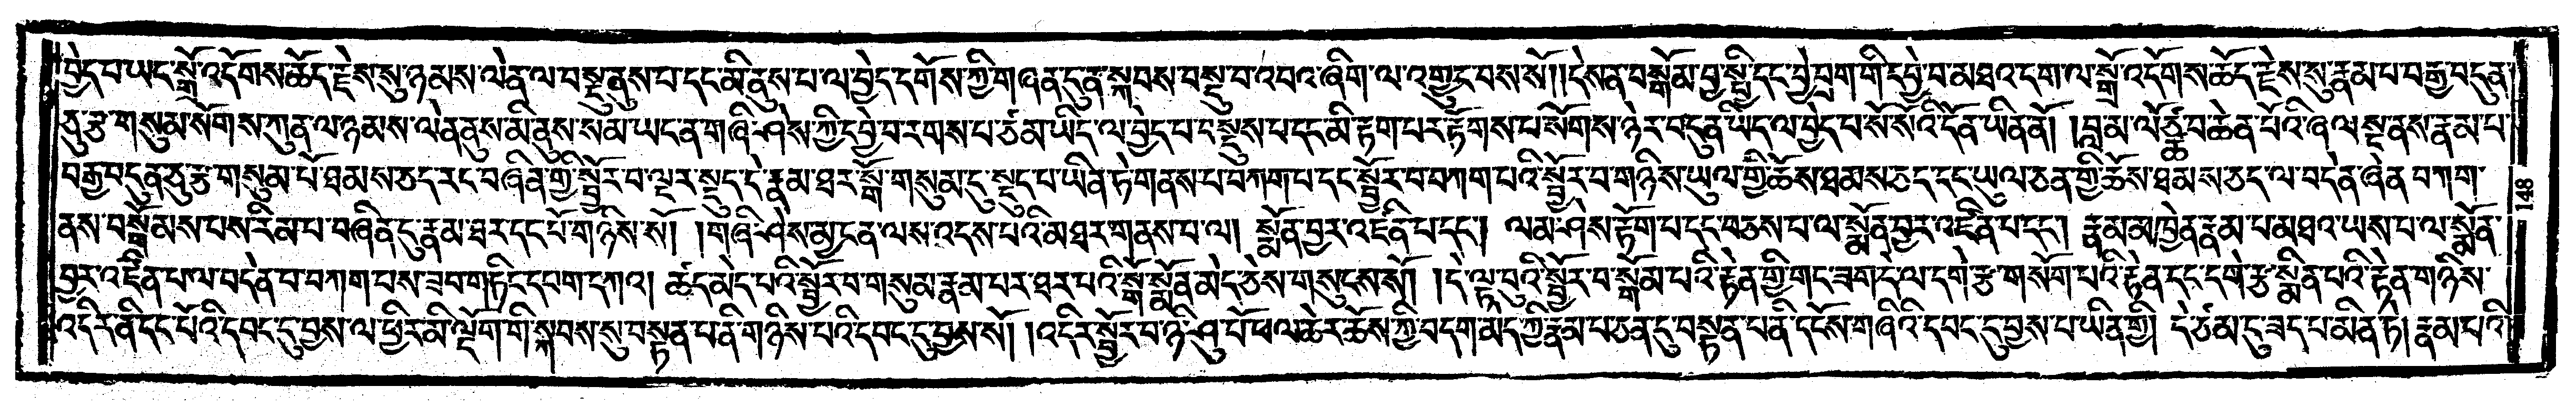བྱེད་པ་ཡང་སྒྲོ་འདོགས་ཆོད་རྗེས་སུ་ཉམས་ལེན་ལ་བསྡུ་ནུས་པ་དང་མི་ནུས་པ་ལ་བྱེད་དགོས་ཀྱི་གཞན་དུ་ན་སྐབས་བསྡུ་བ་འབའ་ཞིག་ལ་འགྱུར་བས་སོ། །དེས་ན་བསྒོམ་བྱ་སྤྱི་དང་བྱེ་བྲག་གི་དབྱེ་བ་མཐའ་དག་ལ་སྒྲོ་འདོགས་ཆོད་རྗེས་སུ་རྣམ་པ་བརྒྱ་བདུན་
ཅུ་རྩ་གསུམ་སོགས་ཀུན་ལ་ཉམས་ལེན་ནུས་མི་ནུས་སམ་ཡང་ན་གཞི་ཤེས་ཀྱི་དབྱེ་བ་རགས་པ་ཙམ་ཡིད་ལ་བྱེད་པ་བསྡུས་པ་དང་མི་རྟག་པར་རྟོགས་པ་སོགས་ཉེར་བདུན་ཡིད་ལ་བྱེད་པ་སོ་སོའི་དོན་ཡིན་ནོ། །བླ་མ་ལོ་ཙྪ་བ་ཆེན་པོའི་ཞལ་སྔ་ནས་རྣམ་པ་
བརྒྱ་བདུན་ཅུ་རྩ་གསུམ་པོ་ཐམས་ཅད་རང་བཞིན་གྱི་སྦྱོར་བ་ལྔར་སྡུད་དེ་རྣམ་ཐར་སྒོ་གསུམ་དུ་སྡུད་པ་ཡིན་ཏེ་གནས་པ་བཀག་པ་དང་སྦྱོར་བ་བཀག་པའི་སྦྱོར་བ་གཉིས་ཡུལ་གྱི་ཆོས་ཐམས་ཅད་དང་ཡུལ་ཅན་གྱི་ཆོས་ཐམས་ཅད་ལ་བདེན་ཞེན་བཀག་
ནས་བསྒོམས་པས་རིམ་པ་བཞིན་དུ་རྣམ་ཐར་དང་པོ་གཉིས་སོ། །གཞི་ཤེས་མྱ་ངན་ལས་འདས་པའི་མཐར་གནས་པ་ལ། སྨོན་བྱར་འཛིན་པ་དང་། ལམ་ཤེས་རྟོག་པ་དང་བཅས་པ་ལ་སྨོན་བྱར་འཛིན་པ་དང་། རྣམ་མཁྱེན་རྣམ་པ་མཐའ་ཡས་པ་ལ་སྨོན་
བྱར་འཛིན་པ་ལ་བདེན་པ་བཀག་པས་ཟབ་གཏིང་དཔག་དཀའ། ཚད་མེད་པའི་སྦྱོར་བ་གསུམ་རྣམ་པར་ཐར་པའི་སྒོ་སྨོན་མེད་ཅེས་གསུངས་སོ། །དེ་ལྟ་བུའི་སྦྱོར་བ་སྒོམ་པའི་རྟེན་གྱི་གང་ཟག་དེ་ལ་དགེ་རྩ་གསོག་པའི་རྟེན་དང་དགེ་རྩ་སྨིན་པའི་རྟེན་གཉིས་
འདིར་ནི་དང་པོའི་དབང་དུ་བྱས་ལ་ཕྱིར་མི་ལྡོག་གི་སྐབས་སུ་བསྟན་པ་ནི་གཉིས་པའི་དབང་དུ་བྱས་སོ། །འདིར་སྦྱོར་བ་ཉི་ཤུ་པོ་ཕལ་ཆེར་ཆོས་ཀྱི་བདག་མེད་ཀྱི་རྣམ་པ་ཅན་དུ་བསྟན་པ་ནི་དངོས་གཞིའི་དབང་དུ་བྱས་པ་ཡིན་གྱི། དེ་ཙམ་དུ་ཟད་པ་མིན་ཏེ། རྣམ་པའི་